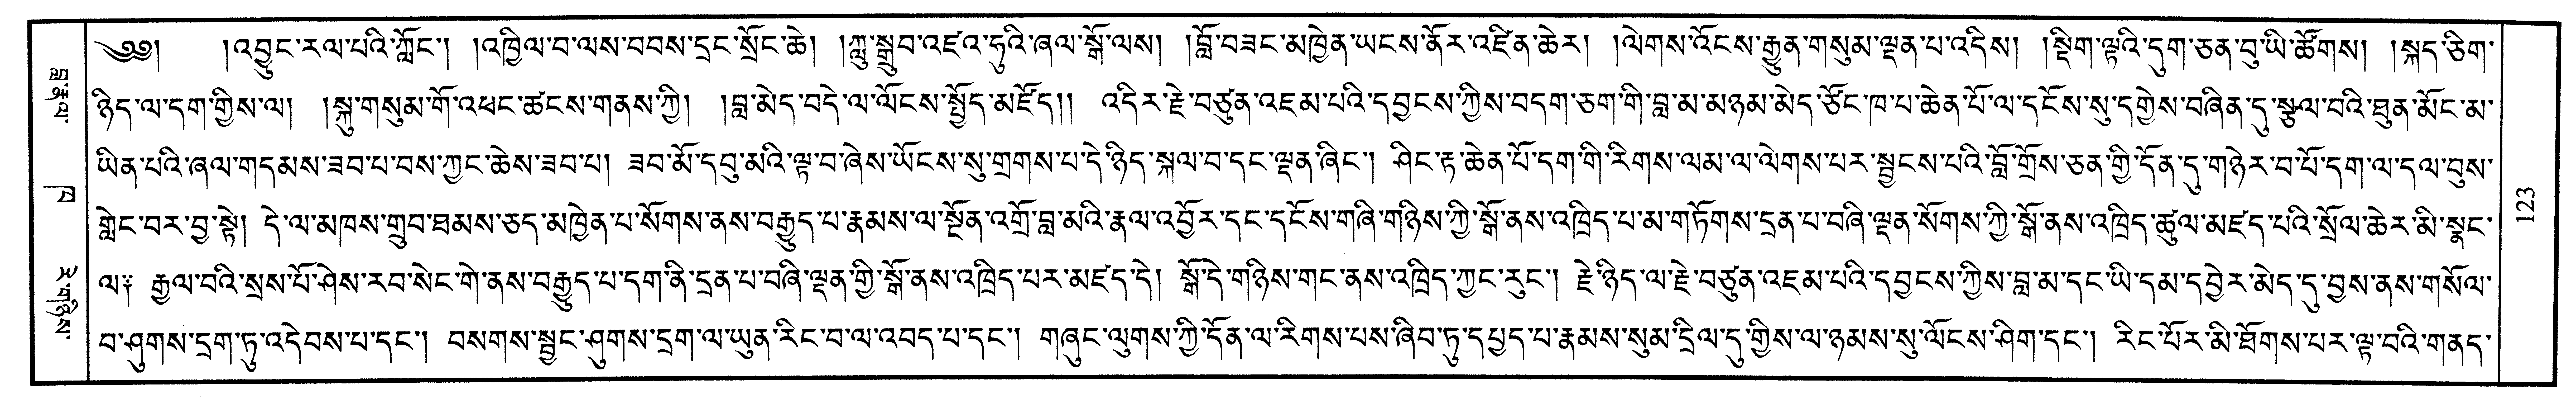༄༅། །འབྱུང་རལ་པའི་ཀློང་། །འཁྱིལ་བ་ལས་བབས་དྲང་སྲོང་ཆེ། །ཀླུ་སྒྲུབ་འཛའ་ཧུའི་ཞལ་སྒོ་ལས། །བློ་བཟང་མཁྱེན་ཡངས་ནོར་འཛིན་ཆེར། །ལེགས་འོངས་རྒྱུན་གསུམ་ལྡན་པ་འདིས། །སྡིག་ལྟའི་དུག་ཅན་བུ་ཡི་ཚོགས། །སྐད་ཅིག་
ཉིད་ལ་དག་གྱིས་ལ། སྐུ་གསུམ་གོ་འཕང་ཚངས་གནས་ཀྱི། །བླ་མེད་བདེ་ལ་ལོངས་སྤྱོད་མཛོད།། འདིར་རྗེ་བཙུན་འཇམ་པའི་དབྱངས་ཀྱིས་བདག་ཅག་གི་བླ་མ་མཉམ་མེད་ཙོང་ཁ་པ་ཆེན་པོ་ལ་དངོས་སུ་དགྱེས་བཞིན་དུ་སྩལ་བའི་ཐུན་མོང་མ་
ཡིན་པའི་ཞལ་གདམས་ཟབ་པ་བས་ཀྱང་ཆེས་ཟབ་པ། ཟབ་མོ་དབུ་མའི་ལྟ་བ་ཞེས་ཡོངས་སུ་གྲགས་པ་དེ་ཉིད་སྐལ་བ་དང་ལྡན་ཞིང་། ཤིང་རྟ་ཆེན་པོ་དག་གི་རིགས་ལམ་ལ་ལེགས་པར་སྦྱངས་པའི་བློ་གྲོས་ཅན་གྱི་དོན་དུ་གཉེར་བ་པོ་དག་ལ་དལ་བུས་
གླེང་བར་བྱ་སྟེ། དེ་ལ་མཁས་གྲུབ་ཐམས་ཅད་མཁྱེན་པ་སོགས་ནས་བརྒྱུད་པ་རྣམས་ལ་སྔོན་འགྲོ་བླ་མའི་རྣལ་འབྱོར་དང་དངོས་གཞི་གཉིས་ཀྱི་སྒོ་ནས་འཁྲིད་པ་མ་གཏོགས་དྲན་པ་བཞི་ལྡན་སོགས་ཀྱི་སྒོ་ནས་འཁྲིད་ཚུལ་མཛད་པའི་སྲོལ་ཆེར་མི་སྣང་
ལ༑ རྒྱལ་བའི་སྲས་པོ་ཤེས་རབ་སེང་གེ་ནས་བརྒྱུད་པ་དག་ནི་དྲན་པ་བཞི་ལྡན་གྱི་སྒོ་ནས་འཁྲིད་པར་མཛད་དེ། སྒོ་དེ་གཉིས་གང་ནས་འཁྲིད་ཀྱང་རུང་། རྗེ་ཉིད་ལ་རྗེ་བཙུན་འཇམ་པའི་དབྱངས་ཀྱིས་བླ་མ་དང་ཡི་དམ་དབྱེར་མེད་དུ་བྱས་ནས་གསོལ་
བ་ཤུགས་དྲག་ཏུ་འདེབས་པ་དང་། བསགས་སྦྱང་ཤུགས་དྲག་ལ་ཡུན་རིང་བ་ལ་འབད་པ་དང་། གཞུང་ལུགས་ཀྱི་དོན་ལ་རིགས་པས་ཞིབ་ཏུ་དཔྱད་པ་རྣམས་སུམ་དྲིལ་དུ་གྱིས་ལ་ཉམས་སུ་ལོངས་ཤིག་དང་། རིང་པོར་མི་ཐོགས་པར་ལྟ་བའི་གནད་